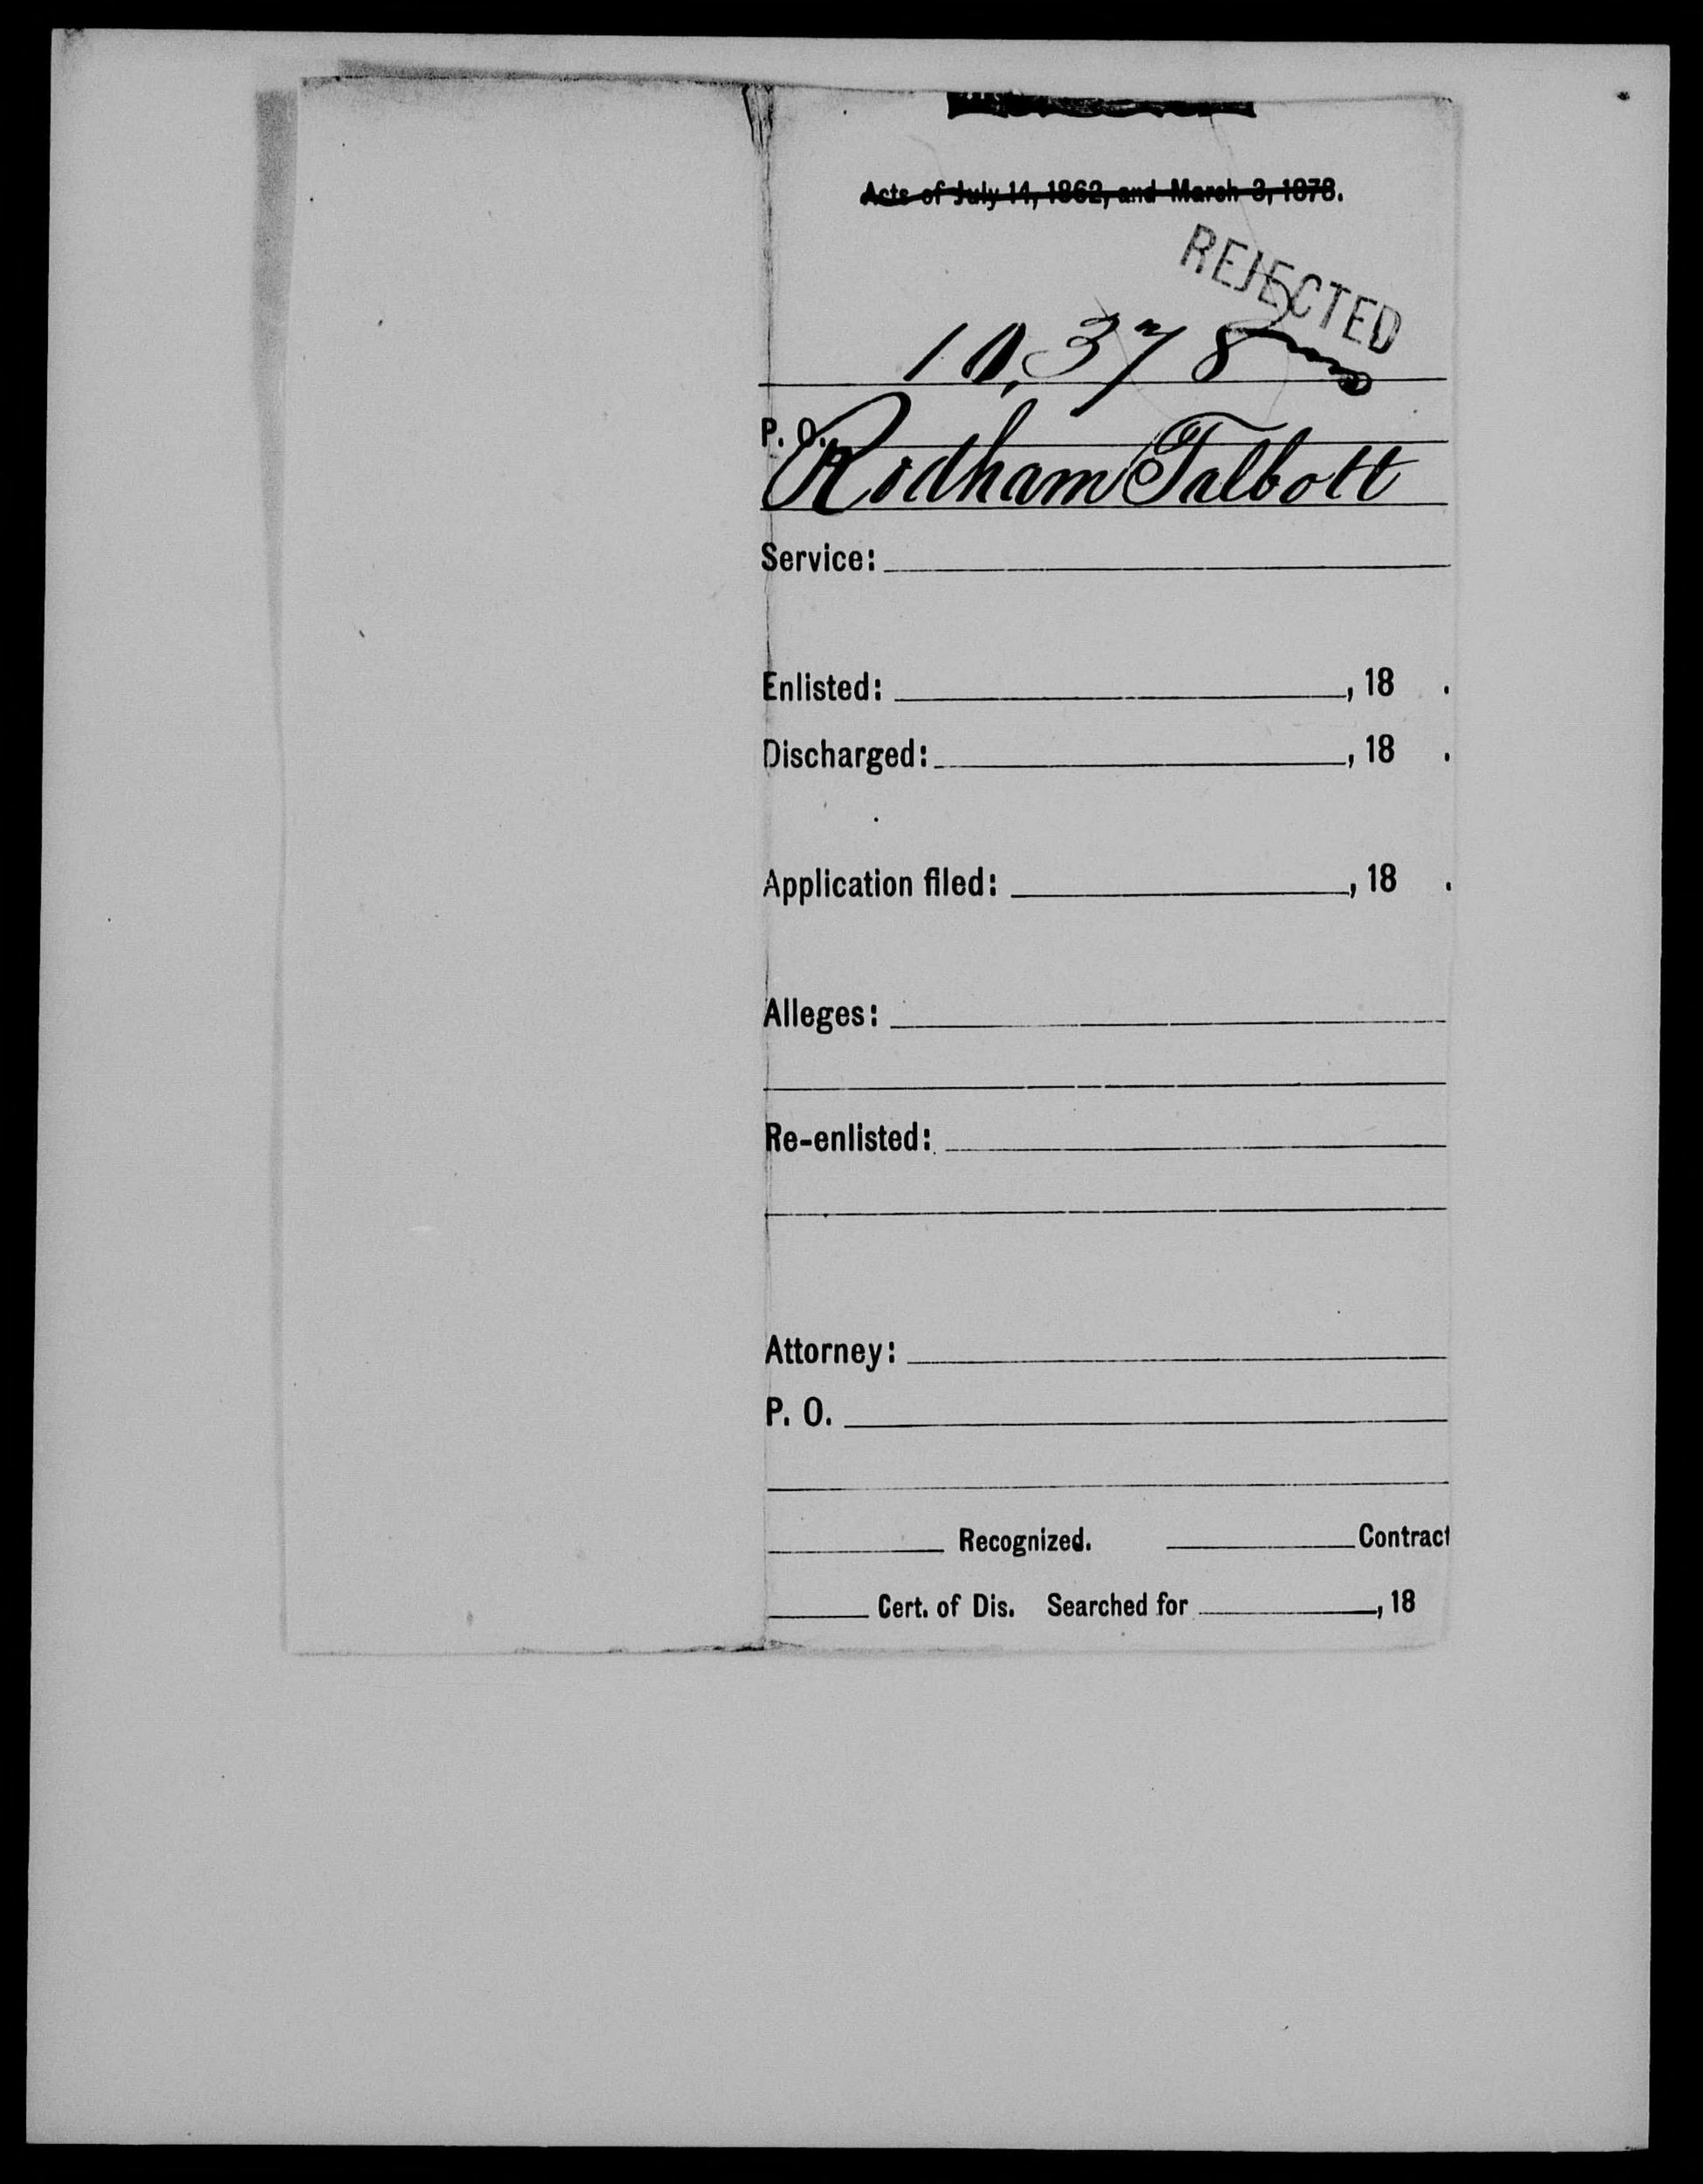Rejected
10378
P.O. Rodham Talbott
Service
Enlisted:   18__
Discharged:   18__
Application filed:   18__
Alleges
Re-enlisted:
Attorney:
P.O.
Recognized.  Contract
Cert. of Dis.  Searched for. 18__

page: 3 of 7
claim: rejected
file: R 10378, for Rodham Talbott, Virginia